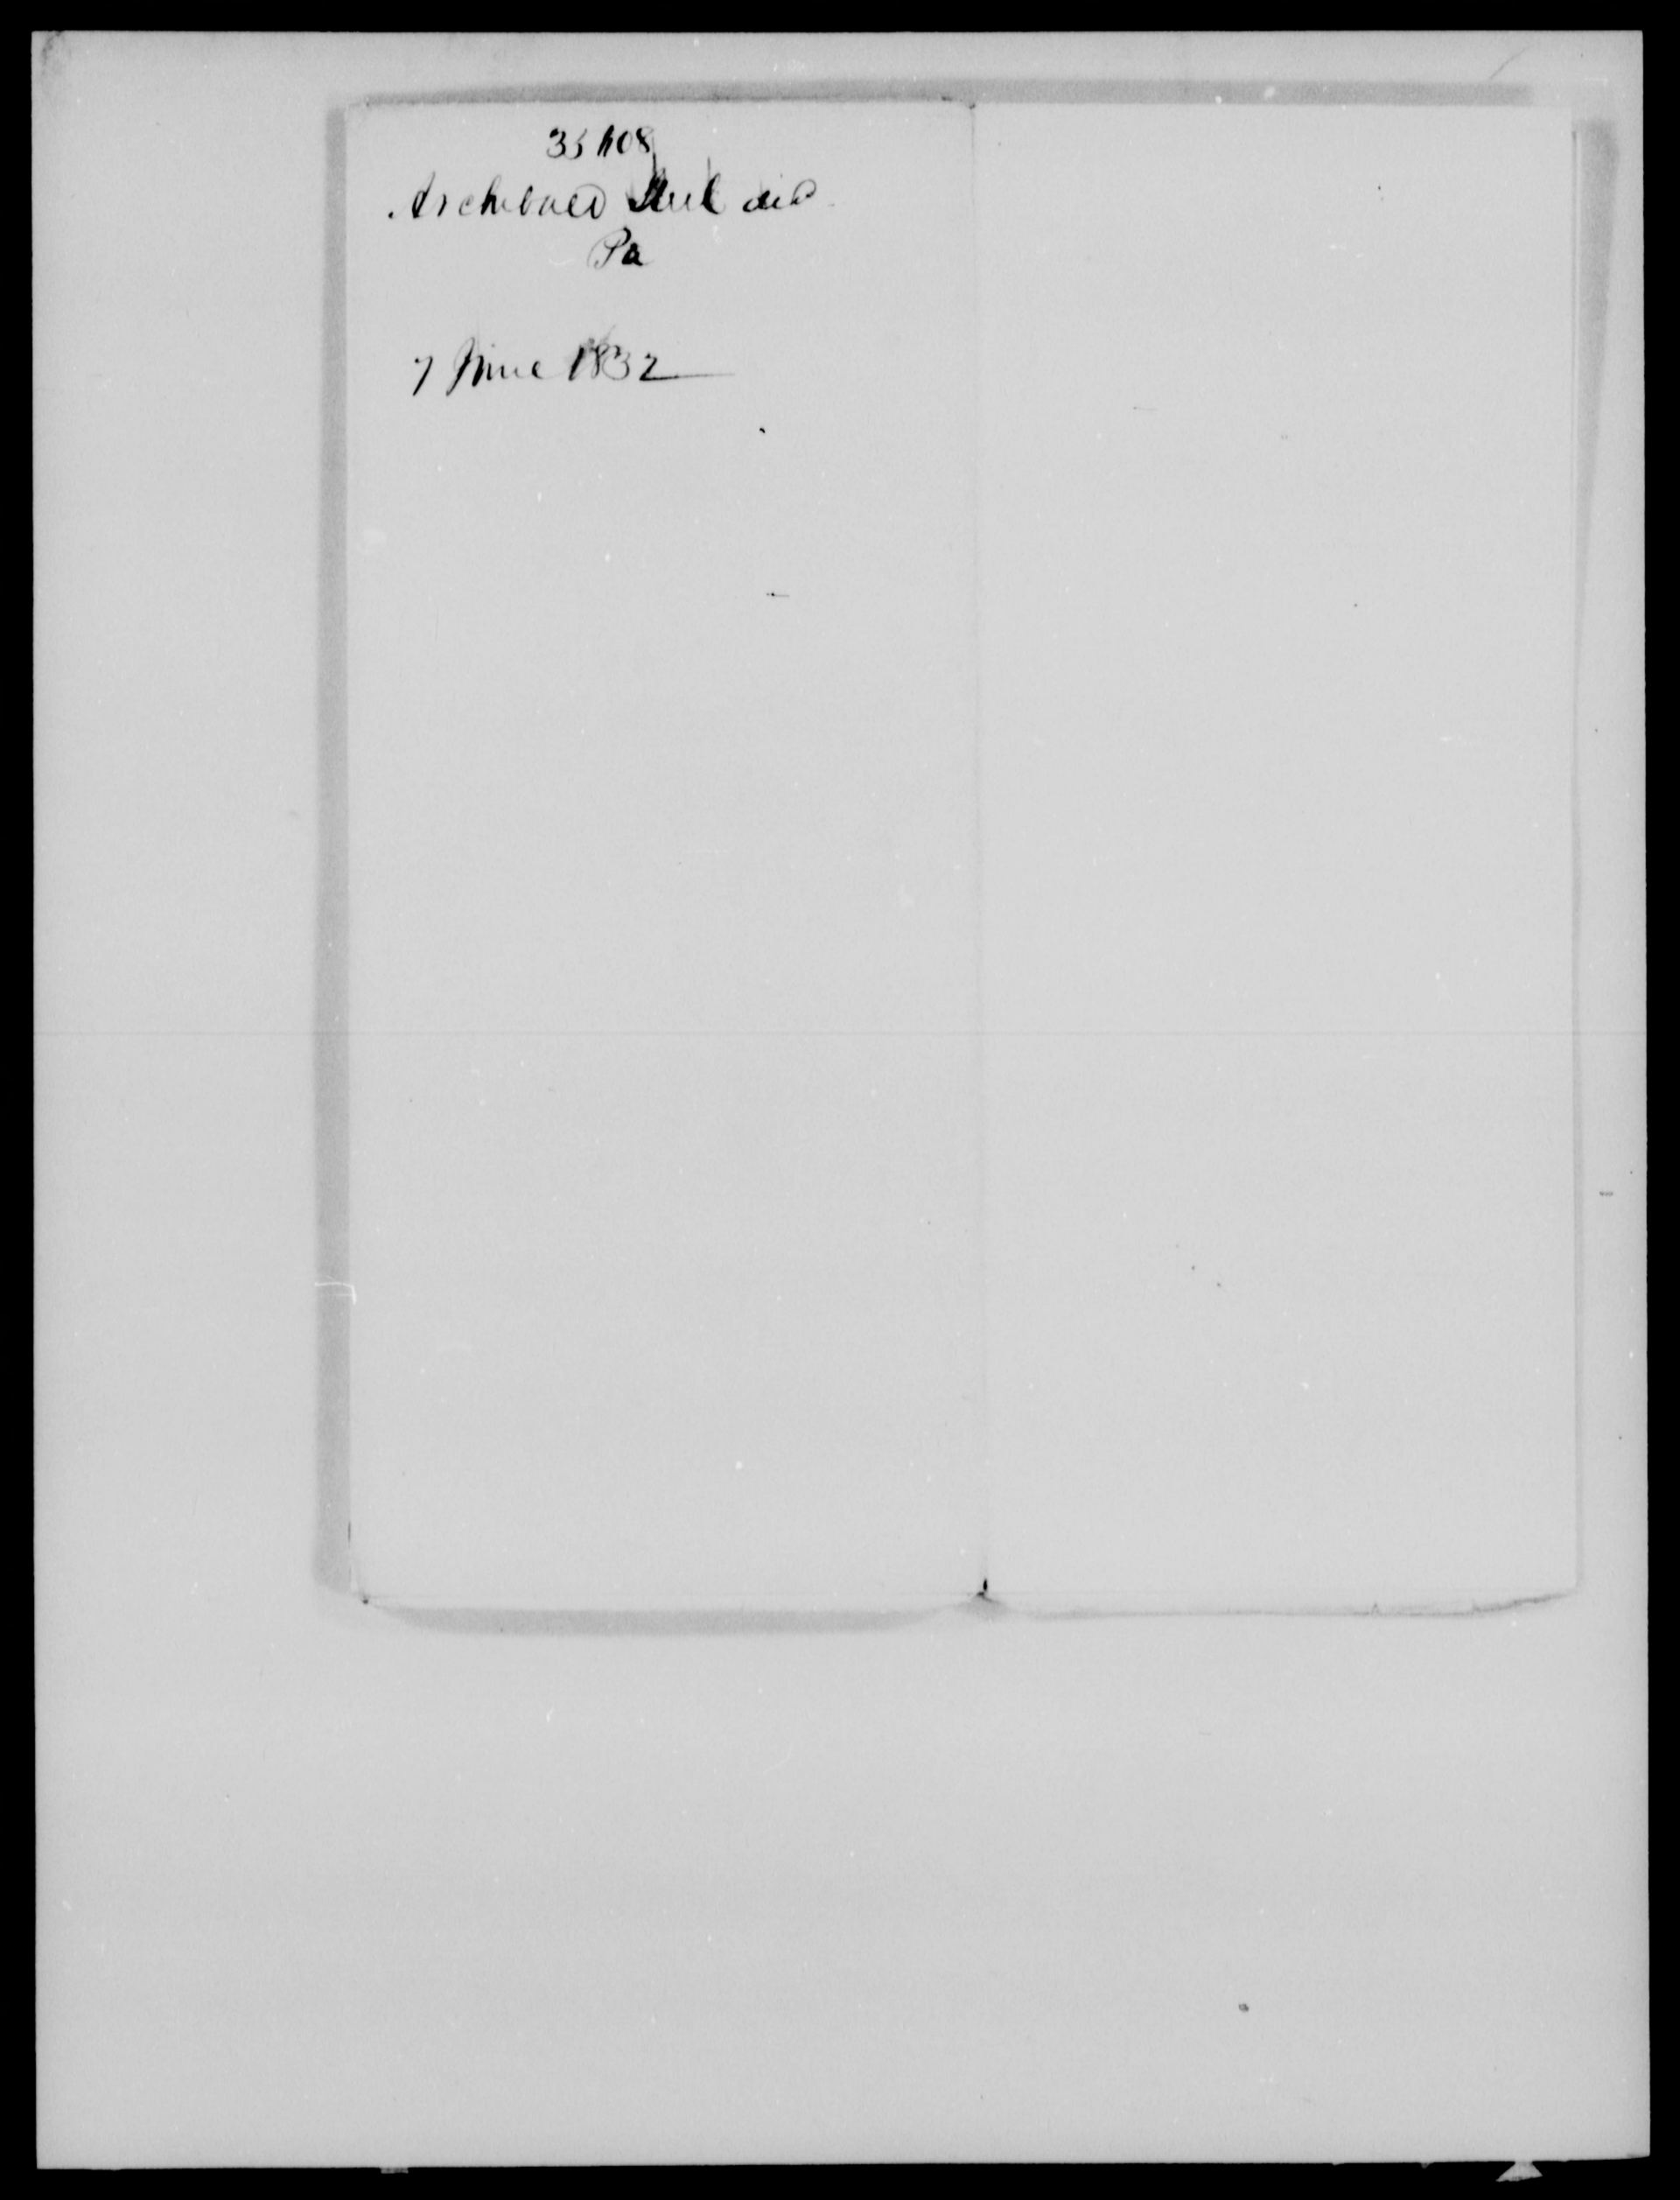35108
Arhicbald Steel, dec
PA

7 June 1832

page: 15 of 28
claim: survivor's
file: S. 7601, for Archibald Steel, Pennsylvania